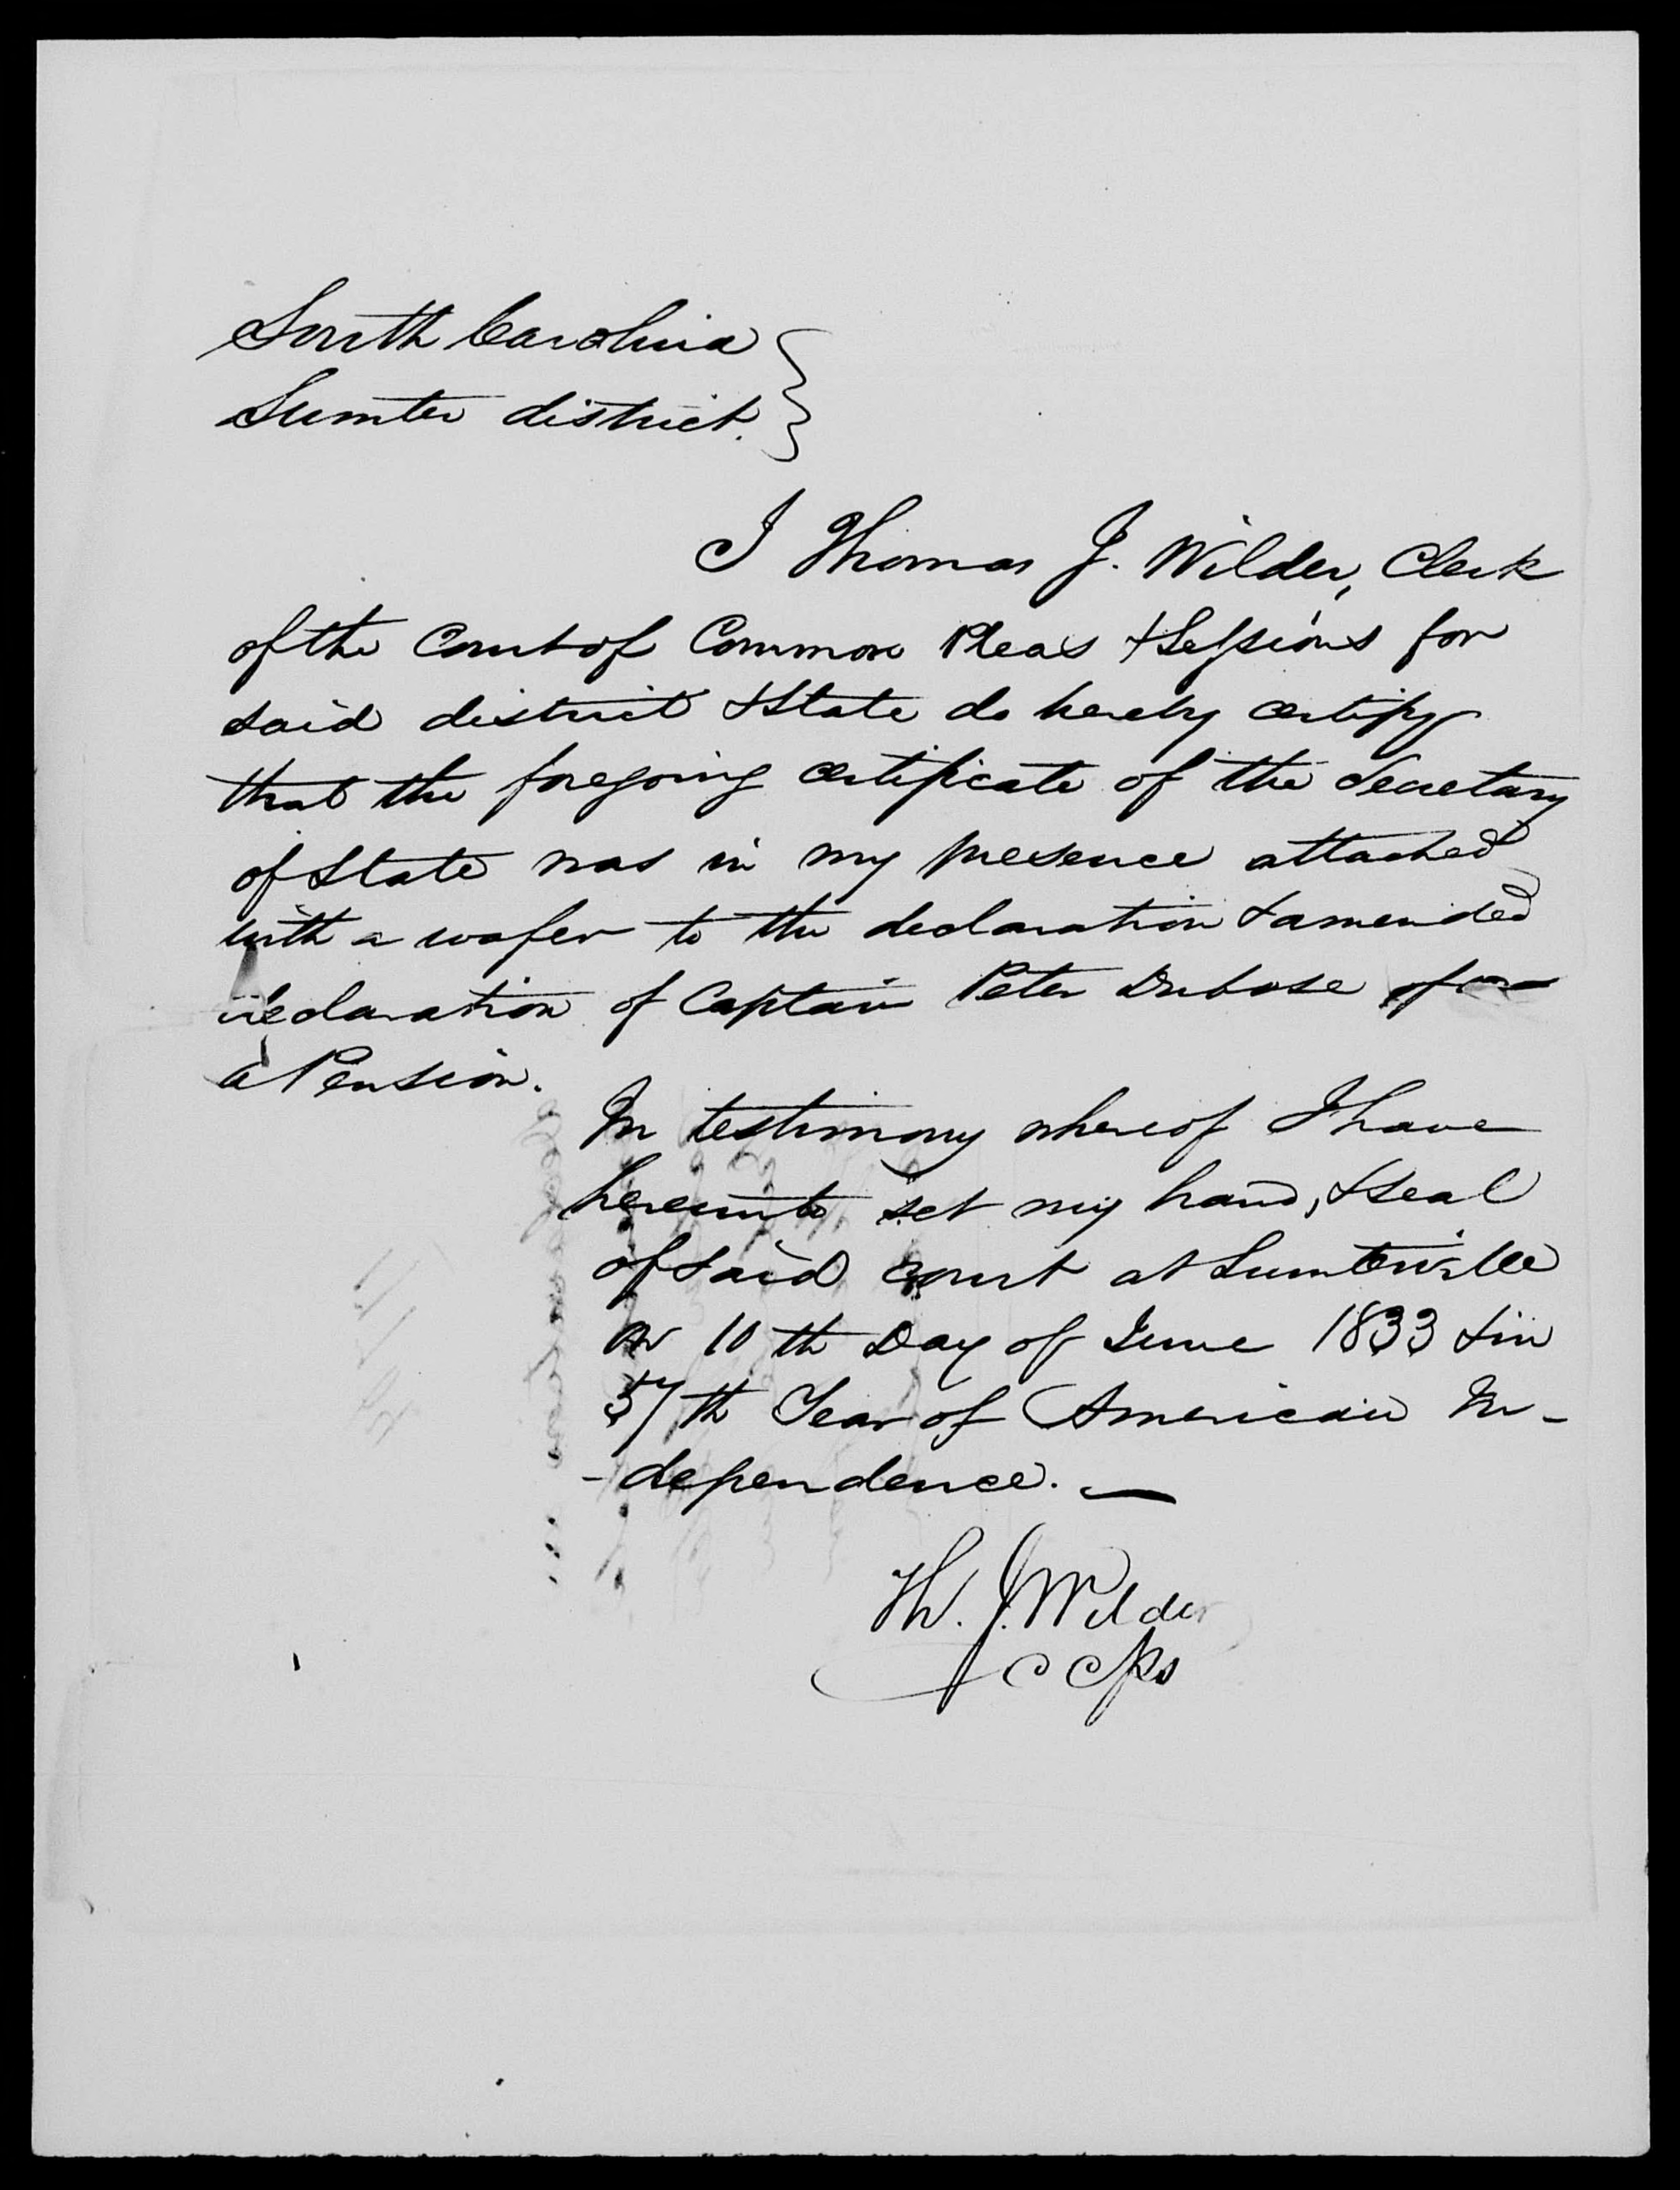[ South Carolina Sumter District ] I Thomas J. Wilder clerk of the Court of Common Pleas & Sessions for  said District & State  do hereby certify that the foregoing certificate of the  Secretary of State was in my presence attached with a waiver to the declaration & amended declaration of Captain of Peter Dubose for a Pension. In testimony whereof I have hereunto set my hand  & seal of said Court at Sumterville  this 10th day of  June  1833  & in the 57th year of American Independence.  Rh. J. Wilder ( signed / sealed ) CCPs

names: Th J Wilder, Peter Dubose, Thomas J Wilder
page: 31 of 43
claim: survivor's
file: S. 21163, Peter Dubose, S.C.